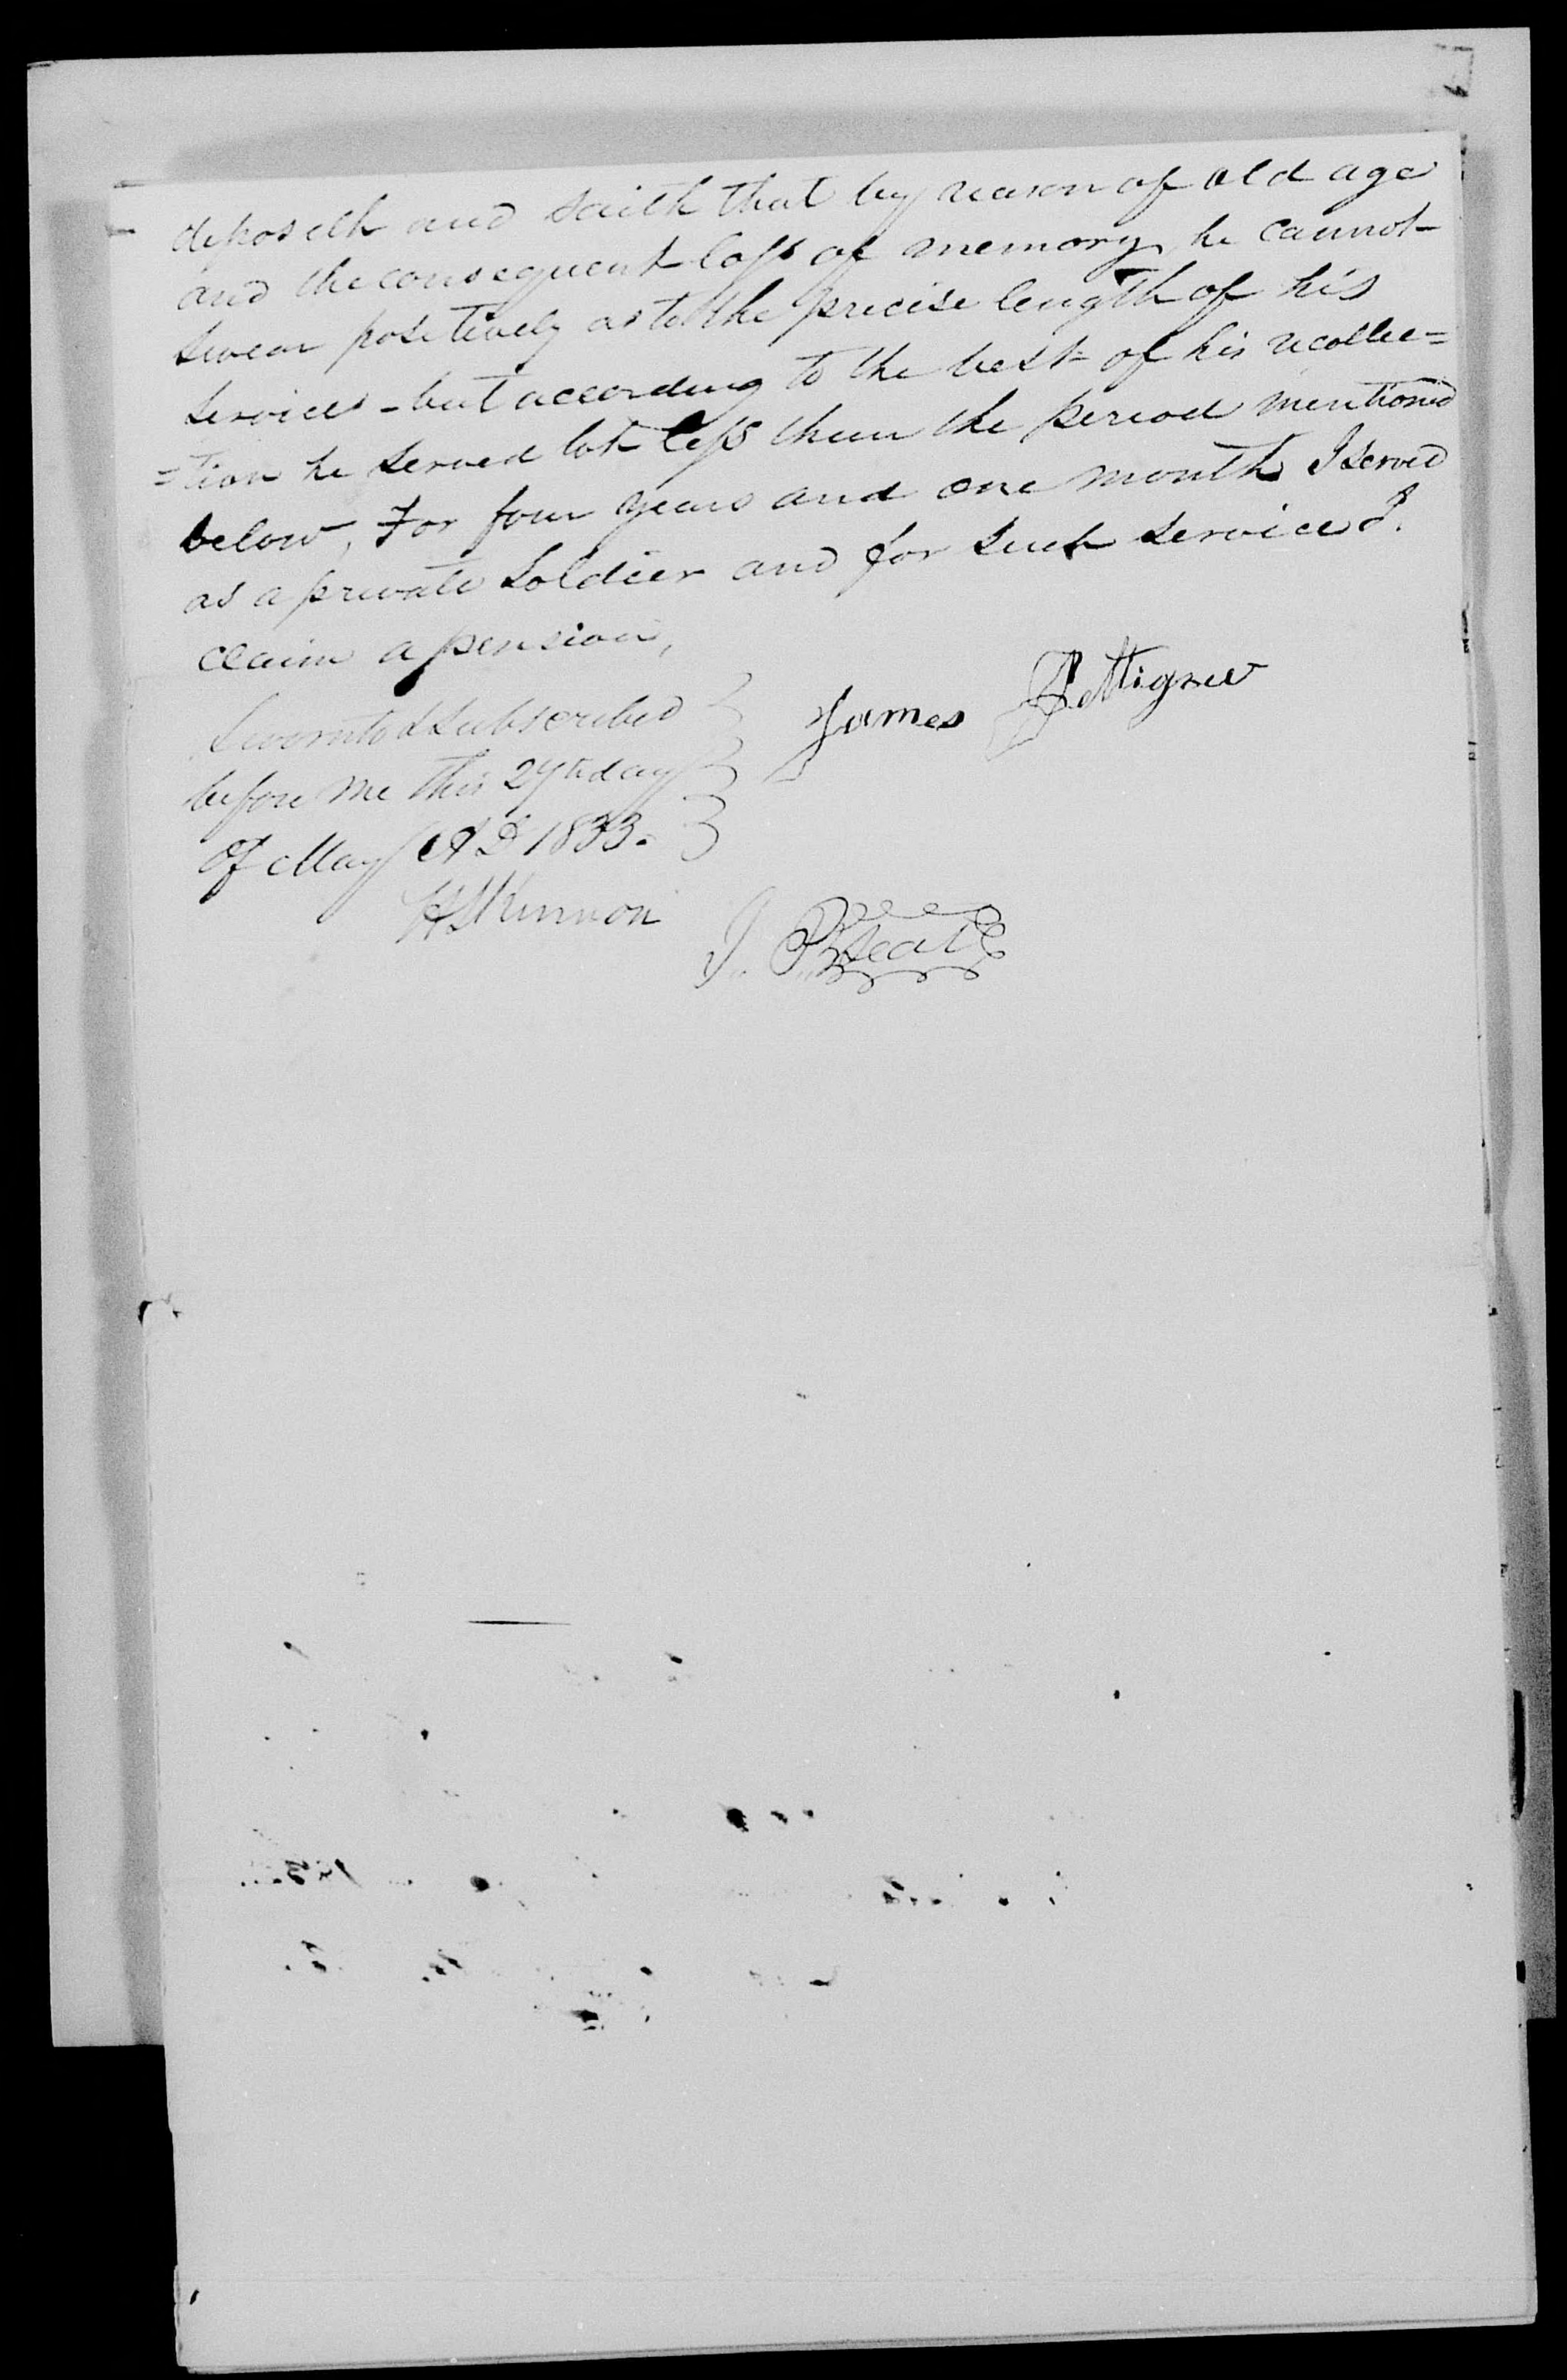deposeth and saith that by reason of old age and the consequent loss of memory he cannot swear positively as to the precise length of his service - but according to the best of his recollection he served not less than the period mentioned before - For four years and one moth I served as a private Soldier and for such service I claim a pension
hereunto subscribed before me The 24th day of May AD 1833.
N S [illegible]
J.P [seal]
James Pettigrew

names: James Pettigrew; H S Kennon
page: 25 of 92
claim: widow's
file: W. 5522, for James Pettigrew, South Carolina